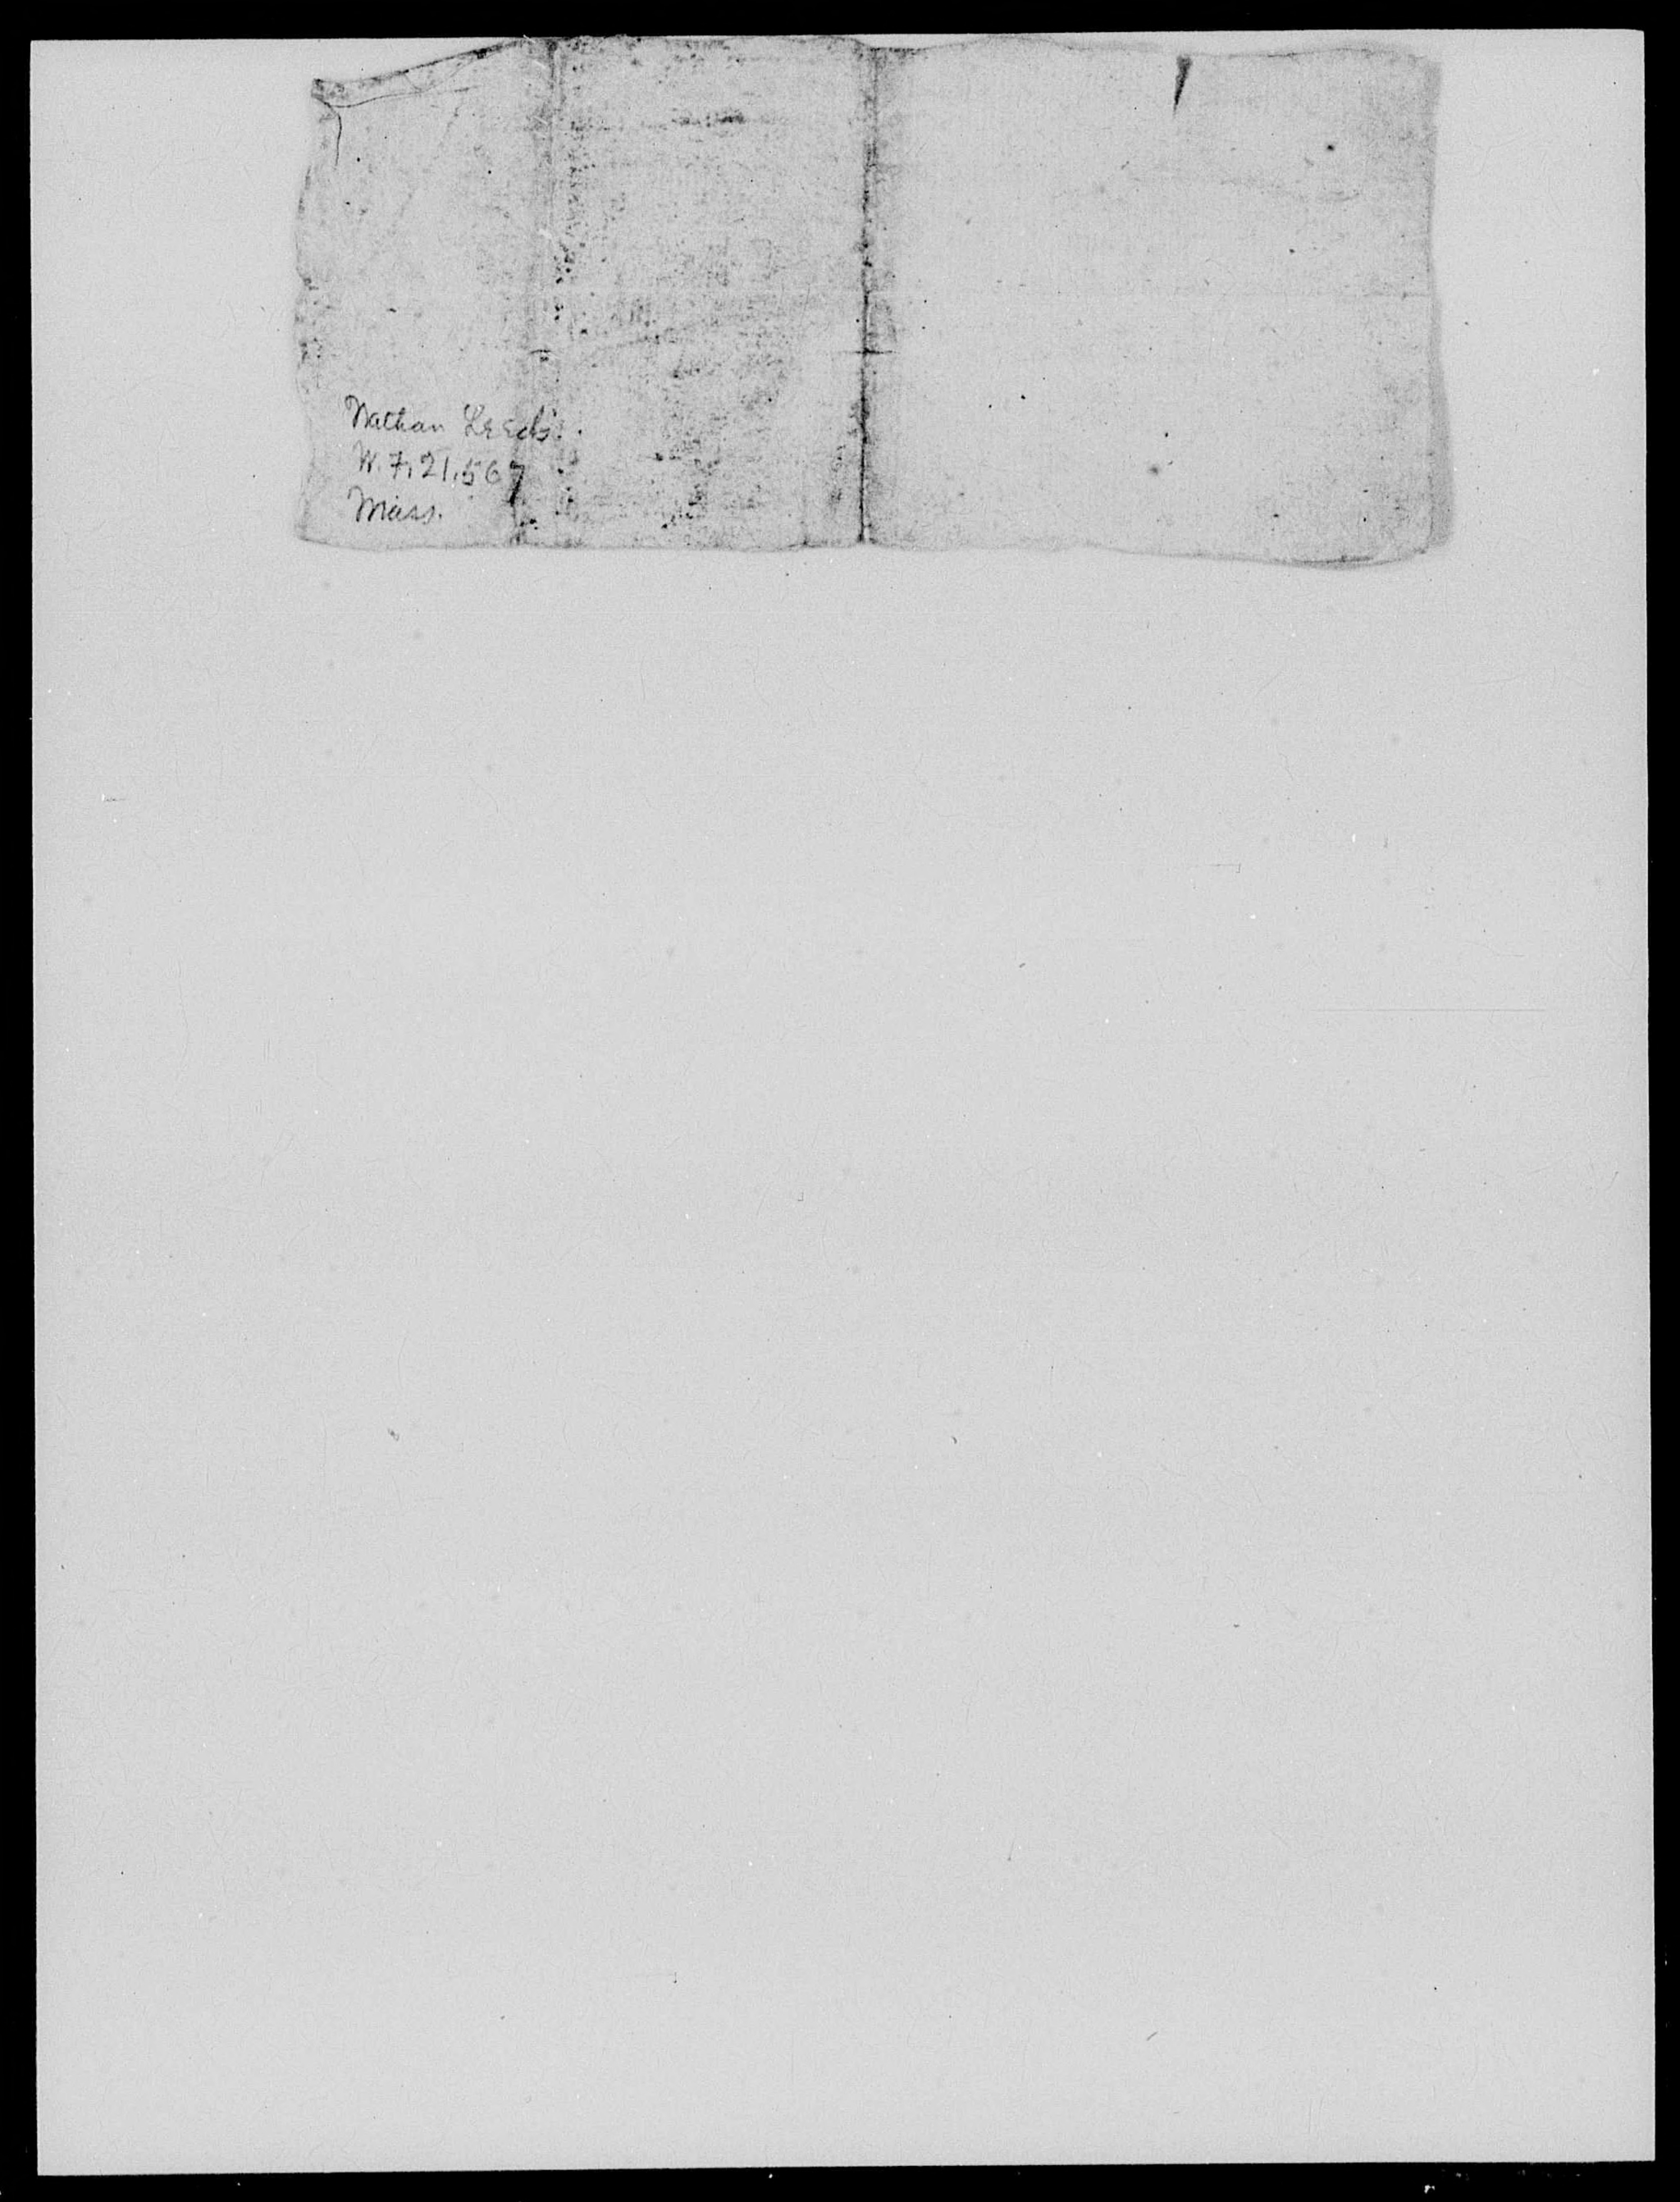Nathan Leeds
W F 21,567
Mass.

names: Nathan Leeds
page: 15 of 33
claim: widow's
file: W. 21,567, for Nathan Leeds, Massachusetts